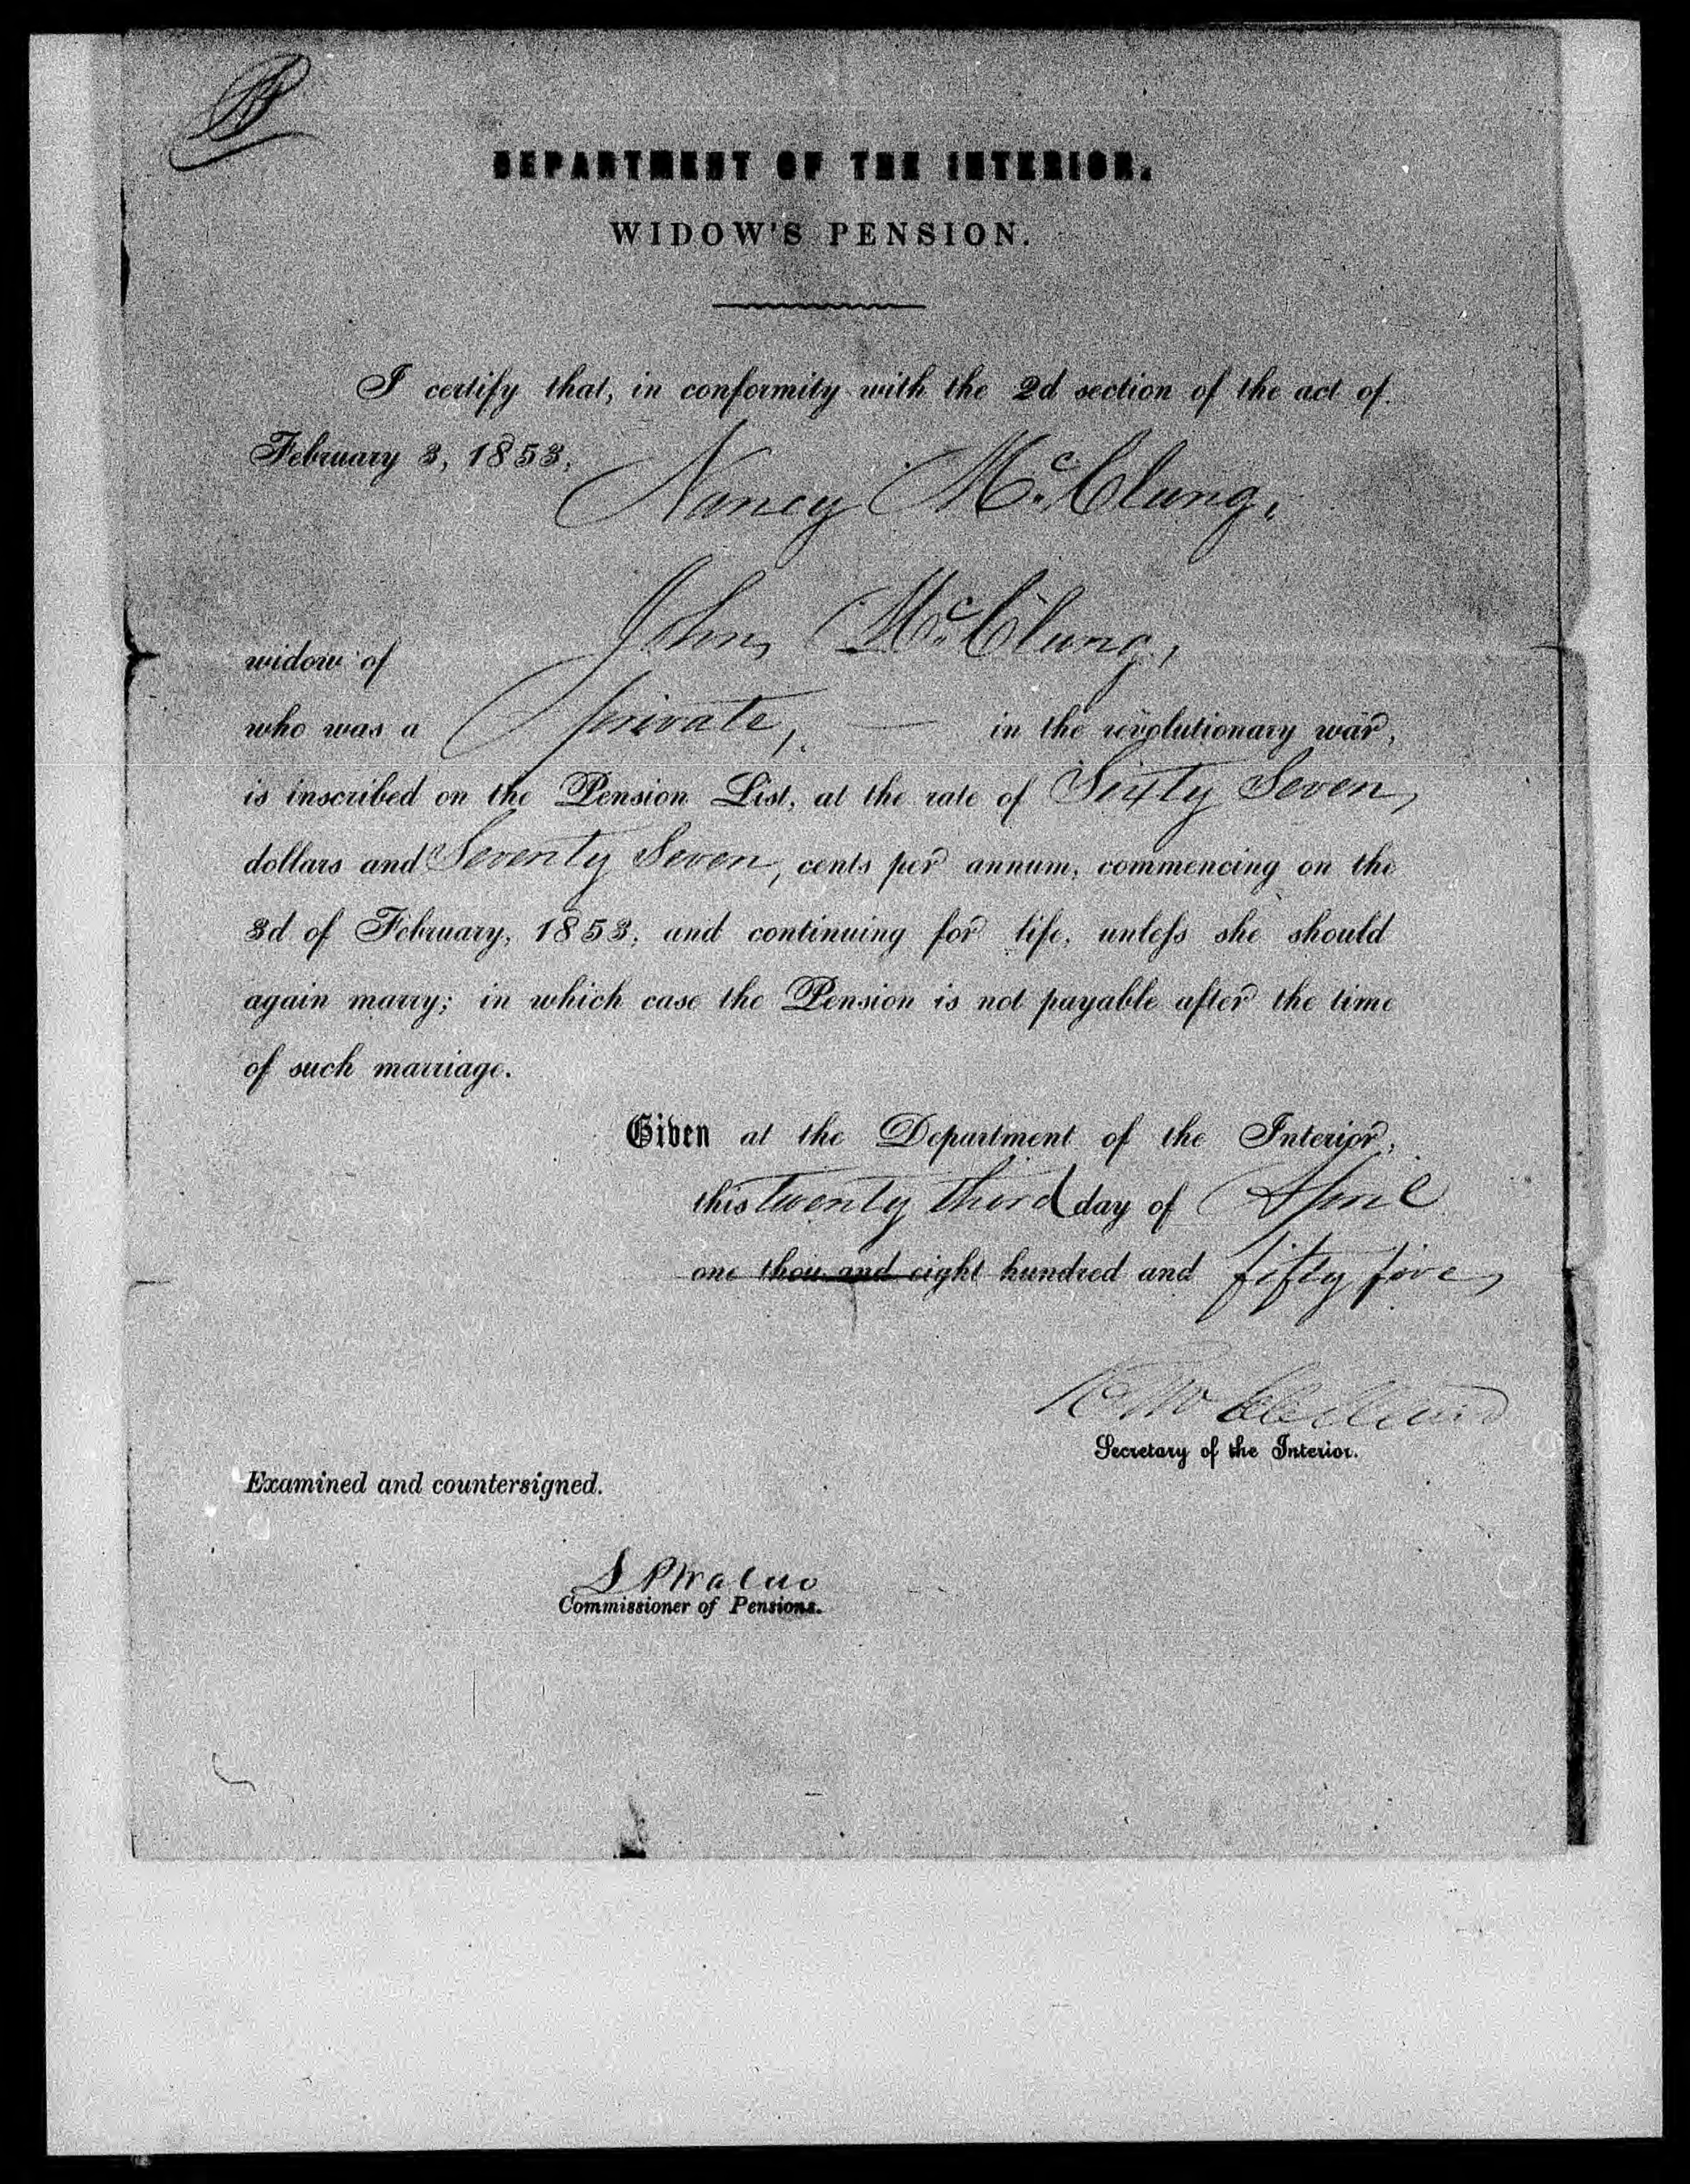DEPARTMENT OF THE INTERIOR.
WIDOW'S PENSION.
I certify that in conformity with the 2d section of the act of February 3, 1853, Nancy McClung widow of John McClung who was a private, in the revolutionary war is inscribed on the Pension List, at the rate of Sixty Seven, dollars and Seventy Seven, cents per annum, commencing on the 3d of February, 1853, and continuing for life, unless she should again marry; in which case the Pension is not payable after the time of such marriage

Given at the Department of the Interior, this twenty third day of April one thousand eight hundred and fifty five

R McClellan
Secretary of the Interior

Examined and countersigned.
L. P. Waldo
Commissioner of Pensions.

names: L P Waldo; John Mc Clung; R Mc Clelland; Nancy Mc Clung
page: 103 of 115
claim: widow's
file: W. 1446, for John Mc Clung, South Carolina